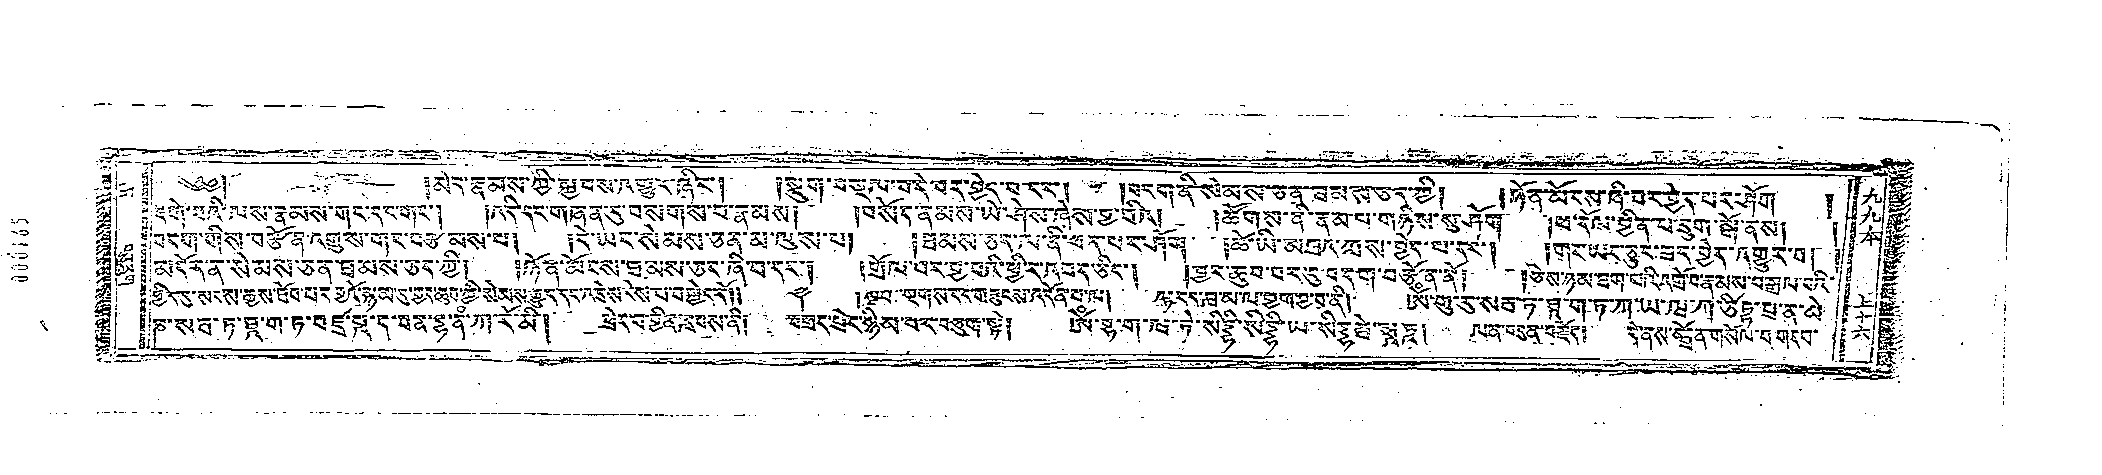༄༅། །མེད་རྣམས་ཀྱི་སྐྱབས་འགྱུར་ཞིང་། །སྡུག་བསྔལ་བདེ་བར་བྱེད་པ་དང་། །བདག་ནི་སེམས་ཅན་ཐམས་ཅད་ཀྱི། །ཉོན་མོངས་ཞི་བར་བྱེད་པར་ཤོག །
དགེ་བའི་ལས་རྣམས་གང་དང་གང་། །འདི་དང་གཞན་དུ་བསགས་པ་རྣམས། །བསོད་ནམས་ཡེ་ཤེས་ཞེས་བྱ་བའི། །ཚོགས་ནི་རྣམ་པ་གཉིས་སུ་ཤོག །ཕ་རོལ་ཕྱིན་པ་དྲུག་སྒོ་ནས། །
བདག་གིས་བརྩོན་འགྲུས་གང་བརྩམས་པ། །དེ་ཡང་སེམས་ཅན་མ་ལུས་པ། །ཐམས་ཅད་ལ་ནི་ཕན་པར་ཤོག །ཚེ་ཡི་མཐའ་ཀླས་བྱེད་པ་དང་། །གང་ཡང་ཅུང་ཟད་བྱེད་འགྱུར་བ། །
མདོར་ན་སེམས་ཅན་ཐམས་ཅད་ཀྱི། །ཉོན་མོངས་ཐམས་ཅད་ཞི་བ་དང་། །གྲོལ་བར་བྱ་བའི་ཕྱིར་འབད་ཅིང་། །བྱང་ཆུབ་བར་དུ་བདག་བརྩོན་ནོ། །ཅེས་ཉམ་ཐག་པའི་འགྲོ་བ་རྣམས་བསྒྲལ་བའི་
ཕྱིང་དུ་སངས་རྒྱས་ཐོབ་པར་བྱའོ་སྙམ་དུ་བྱང་ཆུབ་ཀྱི་སེམས་རྒྱུད་དང་འདྲེས་ངེས་པ་བསྐྱེད་དོ།། ༈ །ལྔ་པ་སྔགས་དང་གཟུངས་འདོན་པའི། །ལྷ་དང་བླ་མ་ལ་ཕྱག་བྱ་བ་ནི། ཨོཾ་གུ་རུ་སརྦ་ཏ་ཐཱ་ག་ཏ་ཀ་ཡ་ཝ་ཀ་ཙིཏྟ་པྲ་ན་མེ་
ཏ་སརྦ་ཏ་ཐཱ་ག་ཏ་བཛྲ་པཱ་ད་བན་དྷ་ནཾ་ཀ་རོ་མི། ཕྲེང་བ་བྱིན་རླབས་ནི། བགྲང་ཕྲེང་སྙིམ་པར་བཅུག་སྟེ། ཨོཾ་བྷ་ག་ཝ་ཏེ་སིདྡྷི་སིདྡྷི་ཡ་སིདྡྷ་རྠེ་སྭཱ་ཧཱ། ལན་བདུན་བརྗོད། ད་ནས་སྤྲོན་གསོལ་བ་གདབ་